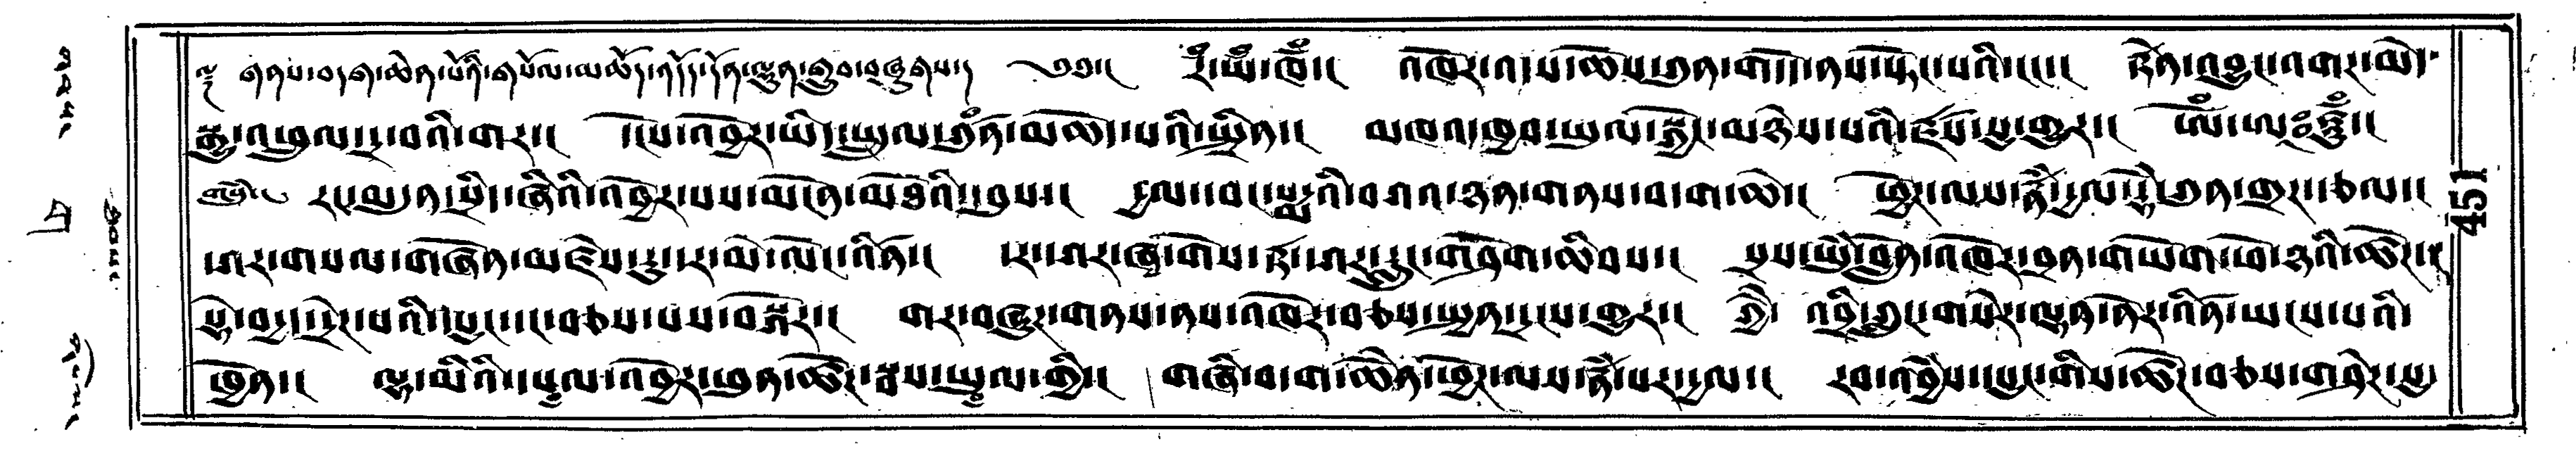༄༅། གནས་བདག་ཆེན་པོའི་གསོལ་མཆོད་འདོད་དོན་ལྷུན་གྲུབ་བཞུགས།། རཾ་ཡཾ་ཁཾ། འཁོར་འདས་ཆོས་ཀུན་གདོད་ནས་སྟོང་པའི་ངང་། །རྟེན་འབྱུང་འགགས་མེད་
སྒྱུ་འཕྲུལ་དྲྭ་བའི་གར། །དངོས་འབྱོར་ཡིད་སྤྲུལ་ཀུན་བཟང་མཆོད་པའི་སྤྲིན། །མཁའ་ཁྱབ་ཡུལ་སྐྱོང་མཉེས་པའི་རྫས་སུ་གྱུར། ཨོཾ་ཨཱཿཧཱུྃ། 
གསུམ། །རང་མདུན་སྲིད་ཞིའི་འབྱོར་པས་མངོན་མཐོའི་དབུས། །རྒྱལ་དབང་པདྨའི་བཀའ་ཉན་གནས་བདག་ཆེ། །ཕྱོགས་ལས་རྣམ་རྒྱལ་རྡོ་རྗེ་ཀུན་གྲགས་རྩལ། །
དཀར་གསལ་གཞོན་མཛེས་རུ་དར་མེ་ལོང་འཛིན། །དར་དཀར་ཞྭ་གོས་རྟ་དཀར་རླུང་གཤོག་ཆིབས། །སྲས་ཡུམ་བློན་འཁོར་བྲན་གཡོག་ཕོ་ཉའི་ཚོགས། །
སྡེ་བརྒྱད་དྲེགས་པའི་དཔུང་དང་བཅས་པས་བསྐོར། །གར་བཞུགས་གནས་ནས་འཁོར་བཅས་སྤྱན་དྲངས་གྱུར། ཀྱཻ། འབྲི་ཀླུང་གསེར་ལྡན་ནོར་འཛིན་ཡངས་པའི་
ཁྱོན། །ལྷ་མིའི་དཔལ་འབྱོར་ཕུན་ཚོགས་སྦས་ཡུལ་གྱི། །གཞི་བདག་ཆེན་པོ་ཕྱོགས་ལས་རྣམ་པར་རྒྱལ། །རབ་འབྱམས་དཔུང་གིས་ཚོགས་བཅས་གཤེགས་སུ་